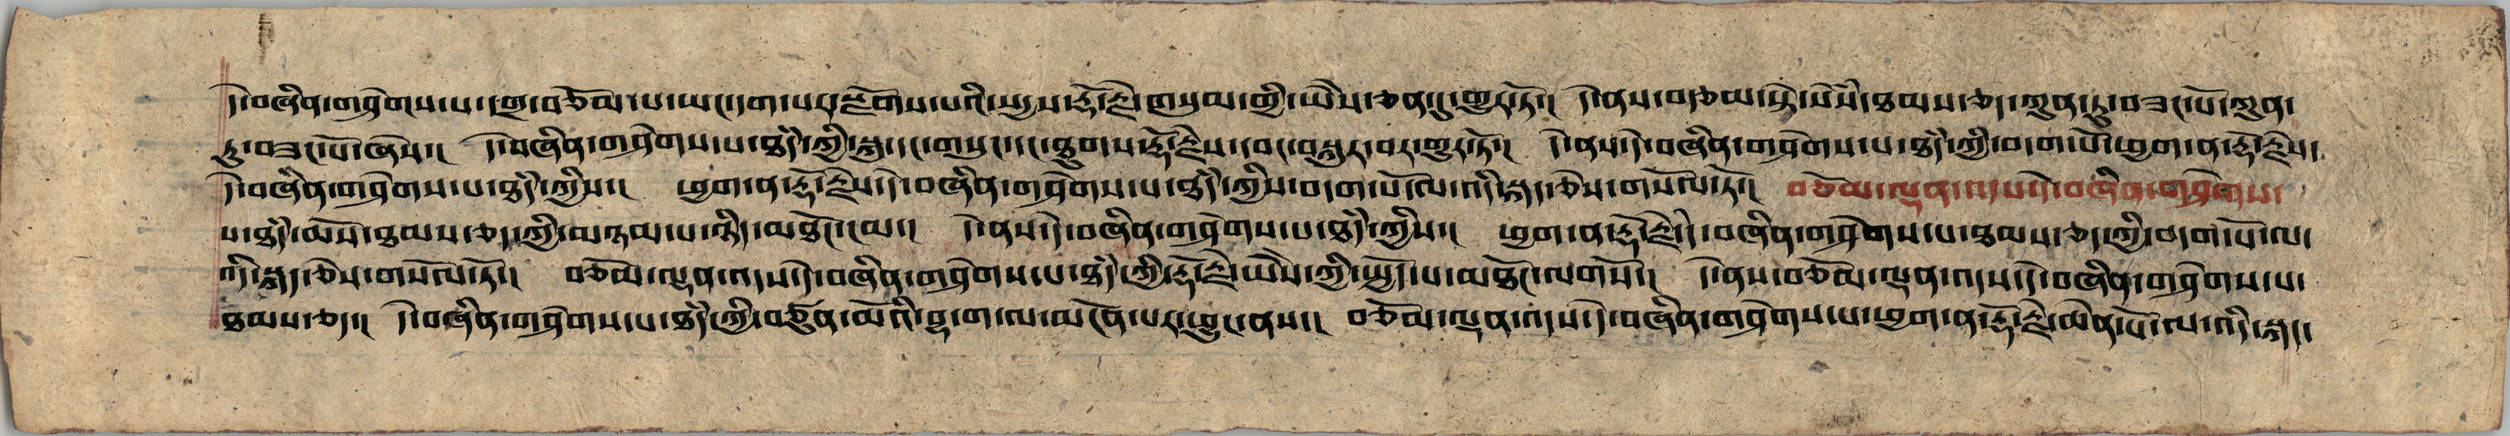དེ་བཞིན་གཤེགས་པ་དགྲ་བཅོམ་པ་ཡང་དག་པར་སྫོགས་པའི་སདྱས་རྡོ་རྗེ་གསུམ་གྱི་ཡཻས་ཅན་དུ་གྱུར་ཏོ་། དེ་ནས་བརྩམ་སྟེ་སེསཾ་ཐམས་ཅད་ཀུན་ཏུ་བཟང་པོ་ཀུན་
ཏུ་བཟང་པོ་ཞེས་། དེ་བཞིན་གཤེགས་པ་ཐཾད་ཀྱི་སྐུ་དང་གསུང་དང་ཐུགས་རྡོ་རྗེས་དབང་བསྐུར་བར་གྱུར་ཏོ་། དེ་ནས་དེ་བཞིན་གཤེགས་པ་ཐཾད་ཀྱི་བདག་པོ་ཕྱག་ན་རྡོ་རྗེས་
དེ་བཞིན་གཤེགས་པ་ཐཾད་ཀྱིས་། ཕྱག་ན་རྡོ་རྗེས་དེ་བཞིན་གཤེགས་པ་ཐཾད་ཀྱིས་བདག་པོ་ལ་འདི་སྐད་ཅེས་གསོལ་ཏོ་། བཅོམ་ལྡན་འདས་དེ་བཞིན་གཤེགས་
པ་ཐཾད་ཆོས་ཐམས་ཅད་ཀྱི་མཉམ་པ་ཉིད་མཐོང་ངམ་། དེ་ནས་དེ་བཞིན་གཤེགས་པ་ཐཾད་ཀྱིས་། ཕྱག་ན་རྡོ་རྗེ་དེ་བཞིན་གཤེགས་པ་ཐམས་ཅད་ཀྱི་བདག་པོ་ལ་
འདི་སྐད་ཅེས་གསོལ་ཏོ་། བཅོམ་ལྡན་འདས་དེ་བཞིན་གཤེགས་པ་ཐཾད་ཀྱི་རྡོ་རྗེ་ཡཻས་ཀྱི་སྤྱོད་པ་མཐོང་ལགསོ་། དེ་ནས་བཅོམ་ལྡན་འདས་དེ་བཞིན་གཤེགས་པ་
ཐམས་ཅད་། དེ་བཞིན་གཤེགས་པ་ཐཾད་ཀྱི་བཙུན་མོའི་བྷ་ག་ལ་མངོན་པར་ཕྱུང་ནས་། བཅོམ་ལྡན་འདས་དེ་བཞིན་གཤེགས་པ་ཕྱག་ན་རྡོ་རྗེ་ཆེན་པོ་ལ་འདི་སྐད་